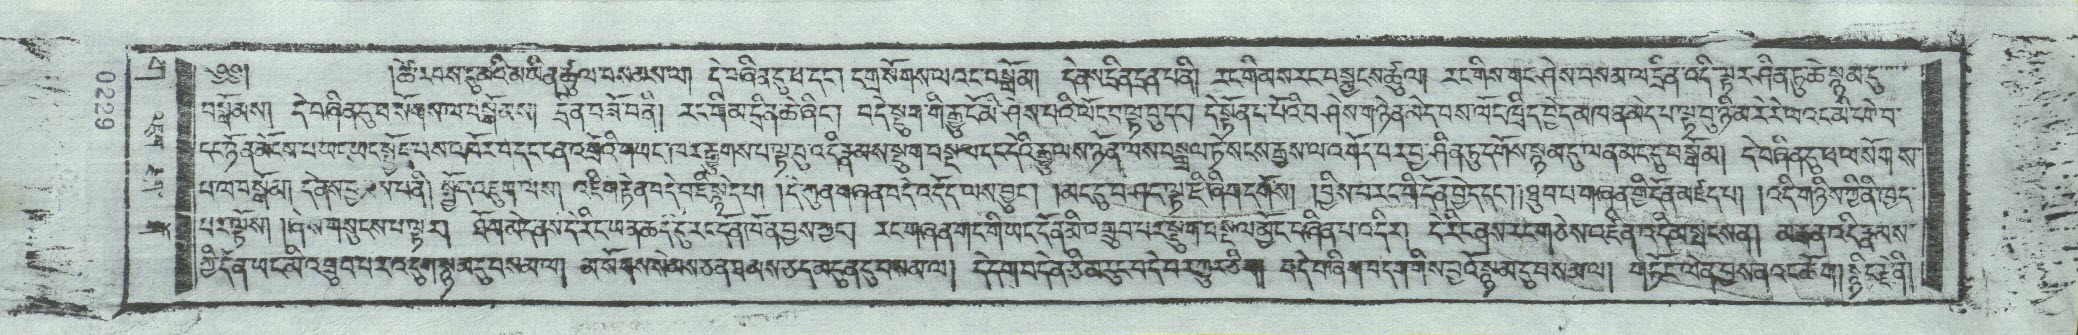༄༅། །ཚེ་རབས་དུ་མའི་མ་ཡིན་ཚུལ་བསམས་ལ། དེ་བཞིན་དུ་ཕ་དང་། དགྲ་སོགས་ལའང་བསྒོམ། དེ་ནས་དྲིན་དྲན་པ་ནི། རང་གི་མས་རང་བསྐྱངས་ཚུལ། རང་གིས་གང་ཤེས་བསམ་ལ་དྲིན་འདི་ལྟར་ཤིན་ཏུ་ཆེ་སྙམ་དུ་
བསྒོམས། དེ་བཞིན་དུ་ཕ་སོགས་ལ་བསྒོམས། དྲིན་བཟོ་བ་ནི། རང་གི་མ་དྲིན་ཆེ་ཞིང་། བདེ་སྡུག་གི་རྒྱུ་ངོ་མི་ཤེས་པའི་ལོང་བ་ལྟ་བུ་དང་། དེ་སྟོན་པ་པོའི་བཤེས་གཉེན་མེད་པས་ལོང་ཁྲིད་བྱེད་མཁན་མེད་པ་ལྟ་བུ་ཉི་མ་རེ་རེ་ལའང་མི་དགེ་བ་
དང་ཉོན་མོངས་པ་ཡང་ཡང་སྤྱོད་པས་འཁོར་བ་དང་ངན་འགྲོའི་གཡང་ཁར་རྒྱུགས་པ་ལྟ་བུ་འདི་རྣམས་སྡུག་བསྔལ་དང་དེའི་རྒྱུ་ལས་ཉོན་ལས་བསྒྲལ་ཏེ་སངས་རྒྱས་ལ་འགོད་པར་བྱ་ཤིན་ཏུ་དགོས་སྙམ་དུ་ལན་མང་དུ་བསྒོམ། དེ་བཞིན་དུ་ཐལ་སོགས་
པ་ལ་བསྒོམ། དེ་ནས་བྱམས་པ་ནི། སྤྱོད་འཇུག་ལས། འཇིག་རྟེན་བདེ་བ་ཇི་སྙེད་པ། །དེ་ཀུན་གཞན་བདེ་འདོད་ལས་བྱུང་། །མང་དུ་བཤད་ལྟ་ཇི་ཞིག་དགོས། །བྱིས་པ་རང་གི་དོན་བྱེད་དང་། །ཐུབ་པ་གཞན་གྱི་དོན་མཛད་པ། །འདི་གཉིས་ཀྱི་ནི་ཁྱད་
པར་ལྟོས། །ཞེས་གསུངས་པ་ལྟར། ཐོག་མེད་ནས་དེ་རིང་ཡན་ཆད་དུ་རང་དོན་ཁོ་ན་བྱས་ཀྱང་། རང་གཞན་གང་གི་ཡང་དོན་མི་འགྲུབ་པར་སྡུག་བསྔལ་མྱོང་བཞིན་པ་འདིར། དེ་རིང་ནས་རང་གཅེས་འཛིན་འདི་མ་སྤངས་ན། མརྒན་འདི་རྣམས་
ཀྱི་དོན་ཡང་མི་འགྲུབ་པར་འདུག་སྙམ་དུ་བསམ་ལ། མ་སོགས་སེམས་ཅན་ཐམས་ཅད་མདུན་དུ་བསམ་ལ། དེ་དག་བདེན་ཅི་མ་རུང་བདེ་བར་གྱུར་ཅིག། བདེ་བ་ཞིག་བདག་གིས་བྱའོ་སྙམ་དུ་བསམ་ལ། གཏོང་ལེན་བྱས་ནའང་ཆོག། སྙིང་རྗེ་ནི།